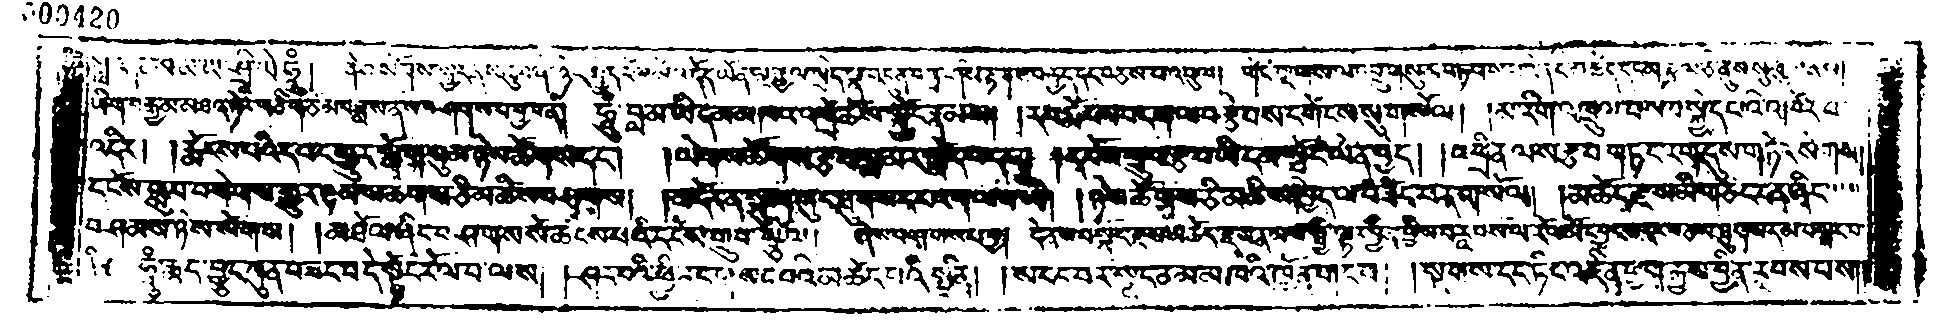སྥ་ར་ཎ་ས་མ་ཡ་ཤྲཱི་ཡེ་ཧཱུཾ། ཞེས་སོགས་སྦྱར་ནས་ཆུ་བཞི་ཉེར་སྤྱོད་རོལ་མོ་འདོད་ཡོན་ལྔ་རྒྱལ་སྲིད་སྣ་བདུན་བཀྲ་ཤིས་རྟགས་བརྒྱད་དང་བཅས་པ་འབུལ། གོང་སྔགས་ལ་འབྲུ་གསུམ་བཏགས་པའི་ནང་མཆོད་དང་མཎྜལ་ཅི་ནུས་སུ་ཕུལ་ནས།
ཡིག་བརྒྱ་མ་མཐའ་ཉེར་གཅིག་ཙམ་བཟླས་ནས་བཤགས་པ་བྱ་བ་ནི། ཧཱུཾ་བླ་མ་ཡི་དམ་མཁའ་འགྲོ་ཆོས་སྐྱོང་རྣམས། །རབ་རྨོངས་བདག་ལ་བརྩེ་བས་དགོངས་སུ་གསོལ། །མ་རིག་འཁྲུལ་བས་བསྐྱེད་པའི་འཁོར་བ་
འདིར། །རྨོངས་པའི་དབང་གྱུར་སྒོ་གསུམ་ཉེས་ཚོགས་དང་། །ལེགས་ཚོགས་རྩ་བ་བླ་མར་སྨོད་པ་དང་། །དངོས་གྲུབ་རྩ་བ་ཡི་དམ་སྤོང་ལེན་བྱེད། །འཕྲིན་ལས་རྩ་བ་གཏང་རག་དུས་གཏོར་སོགས།
དངོས་གྲུབ་བགེགས་གྱུར་ཉམས་ཆགས་ཅི་མཆིས་བཤགས། །མདོར་ན་སྐུ་གསུང་ཐུགས་དང་འགལ་བ་ཡི། །ཉེས་ཚོགས་ཅི་མཆིས་ཁྱེད་ལ་བཟོད་པར་གསོལ། །མཆོད་རྫས་མི་གཙང་ངན་ཞིང་
བཤམས་ཉེས་སོགས། །མཐོལ་ཞིང་བཤགས་སོ་ཚངས་པའི་དངོས་གྲུབ་སྩོལ། ཞེས་བཤགས་པ་བྱ། དེ་ནས་བསྐང་རྫས་མཆོད་རྫས་རྣམས་སྤྱི་ལྟར་བྱིན་གྱིས་བརླབས་ལ་རོལ་མོ་དབྱངས་དང་བཅས་ཐུགས་དམ་བསྐང་བ་
ནི༑ ཧཱུཾ་རྨད་བྱུང་ཀུན་བཟང་བདེ་སྟོང་རོལ་བ་ལས། །ཤར་བའི་ཕྱི་ནང་གསང་བའི་མཆོད་པའི་སྤྲིན། །ས་དང་བར་སྣང་ནམ་མཁའི་ཁྱོན་གང་བ། །སྔགས་དང་ཏིང་འཛིན་ཕྱག་རྒྱས་བྱིན་རླབས་པས། །